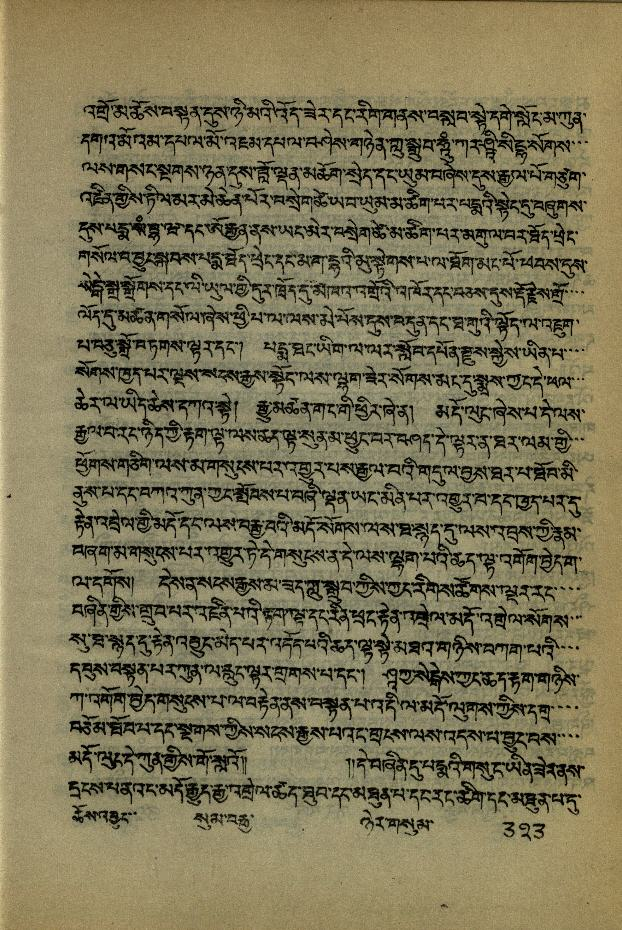འགྲོ་མ་ཆོས་བསྟན་དུས་ཉི་མའི་འོད་ཟེར་དང་རིག་གནས་བསླབ་སྟེ་དགེ་སློང་མ་ཀུན་
དགའ་མོའམ་དཔལ་མོ་འཇམ་དཔལ་བཤེས་གཉེན་ཀླུ་སྒྲུབ་ཧཱུཾ་ཀར་ཤྲཱི་སིདྷ་སོགས་
ལས་གསང་སྔགས་ཉན་དུས་བློ་ལྡན་མཆོག་སྲེད་དང་ཡུམ་བཞེས་དུས་རྒྱལ་པོ་གཙུག་
འཛིན་གྱིས་ཏིལ་མར་མེ་ཆེན་པོར་བསྲེག་ཚེ་ཡབ་ཡུམ་མ་ཚིག་པར་པདམའི་སྟེང་དུ་བཞུགས་
དུས་པདམ་སཾ་བྷ་ཝ་དང་ཨོ་རྒྱན་ནས་ཡང་མེར་བསྲེག་ཚེ་མ་ཚིག་པར་མགུལ་བར་ཐོད་ཕྲེང་
གསོལ་བ་བྱུང་སྐབས་པདམ་ཐོད་ཕྲེང་དང་མག་དྷའི་མུ་སྟེགས་པ་ལ་ཐོག་མང་པོ་ཕབས་དུས་
སེངྒེ་སྒྲ་སྒྲོགས་དང་ལི་ཡུལ་གྱི་དུར་ཁྲོད་དུ་མཁའ་འགྲོའི་འཁོར་དང་བཅས་དུས་རྡོ་རྗེས་གྲོ་
ལོད་དུ་མཚན་གསོལ་ཞེས་ཕྱི་པ་ལ་ལས་མེ་པོས་དུས་བདུན་དང་ཐ་གུའི་ལྟོད་ལ་འཇུག་
པ་བཅུ་སྒྲོ་བཏགས་ལྟར་དང་། པདམ་ཐང་ཡིག་ལ་ལར་སློབ་དཔོན་རྫུས་སྐྱེས་ཡིན་པ་
སོགས་ཁྱད་པར་ལྔས་སངས་རྒྱས་སྟོང་ལས་ལྷག་ཟེར་སོགས་མང་དུ་སྨྲས་ཀྱང་དེ་ཕལ་
ཆེར་ལ་ཡིད་ཆེས་དཀའ་སྟེ། རྒྱུ་མཚན་གང་གི་ཕྱིར་ཞེ་ན། མདོ་ལུང་ཞེས་པ་དེ་ལས་
རྒྱལ་བ་རང་ཉིད་ཀྱི་རྟག་ལྟ་ལས་ཆད་ལྟ་སུན་མ་ཕྱུང་བར་བཤད་དེ་ལྟར་ན་ཐར་ལམ་གྱི་
ཕྱོགས་གཅིག་ལས་མ་གསུངས་པར་འགྱུར་པས་རྒྱལ་བའི་གདུལ་བྱས་ཐར་པ་ཐོབ་མི་
ནུས་པ་དང་བཀའ་ཀུན་ཀྱང་སྤོབས་པ་བཞི་ལྡན་ཡང་མིན་པར་འགྱུར་བ་དང་ཁྱད་པར་དུ་
རྟེན་འབྲེལ་གྱི་མདོ་དང་ལས་བརྒྱ་བའི་མདོ་སོགས་ལས་ཐ་སྙད་དུ་ལས་འབྲས་ཀྱི་རྣམ་
བཞག་མ་གསུངས་པར་འགྱུར་ཏེ་དེ་གསུངས་ན་དེ་ལས་ལྷག་པའི་ཆད་ལྟ་འགོག་བྱེད་ག་
ལ་དགོས། དེས་ན་སངས་རྒྱས་མ་ཟད་ཀླུ་སྒྲུབ་ཀྱིས་ཀྱང་རིགས་ཚོགས་ལྔར་རང་
བཞིན་གྱིས་གྲུབ་པར་འཛིན་པའི་རྟག་ལྟ་དང་རིན་ཕྲང་རྟེན་འགྲེལ་མདོ་འགྲེལ་སོགས་
སུ་ཐ་སྙད་དུ་རྟེན་འབྱུང་མེད་པར་འདོད་པའི་ཆད་ལྟ་སྟེ་མཐའ་གཉིས་བཀག་པའི་
དབུས་བསྟན་པར་ཀུན་ལ་རླུང་ལྟར་གྲགས་པ་དང་། ཤཱཀྱ་སེངྒེས་ཀྱང་ཆད་རྟག་གཉིས་
ཀ་འགོག་བྱེད་གསུངས་པ་ལ་བརྟེན་ནས་བསྟན་པ་འདི་ལ་མདོ་ལུགས་ཀྱིས་དགྲ་
བཅོམ་ཐོབ་པ་དང་སྔགས་ཀྱིས་སངས་རྒྱས་པའང་གྲངས་ལས་འདས་པ་བྱུང་བས་
མདོ་ལུང་དེ་ཀུན་གྱིས་གོ་སླའོ།། །།དེ་བཞིན་དུ་པདམའི་གསུང་ཡིན་ཟེར་ནས་
དྲངས་པ་ནའང་མདོ་རྒྱུད་རྒྱ་འགྲེལ་ཚད་ཐུབ་དང་མཐུན་པ་དང་རང་ཚིག་དང་མཐུན་པ་དུ་